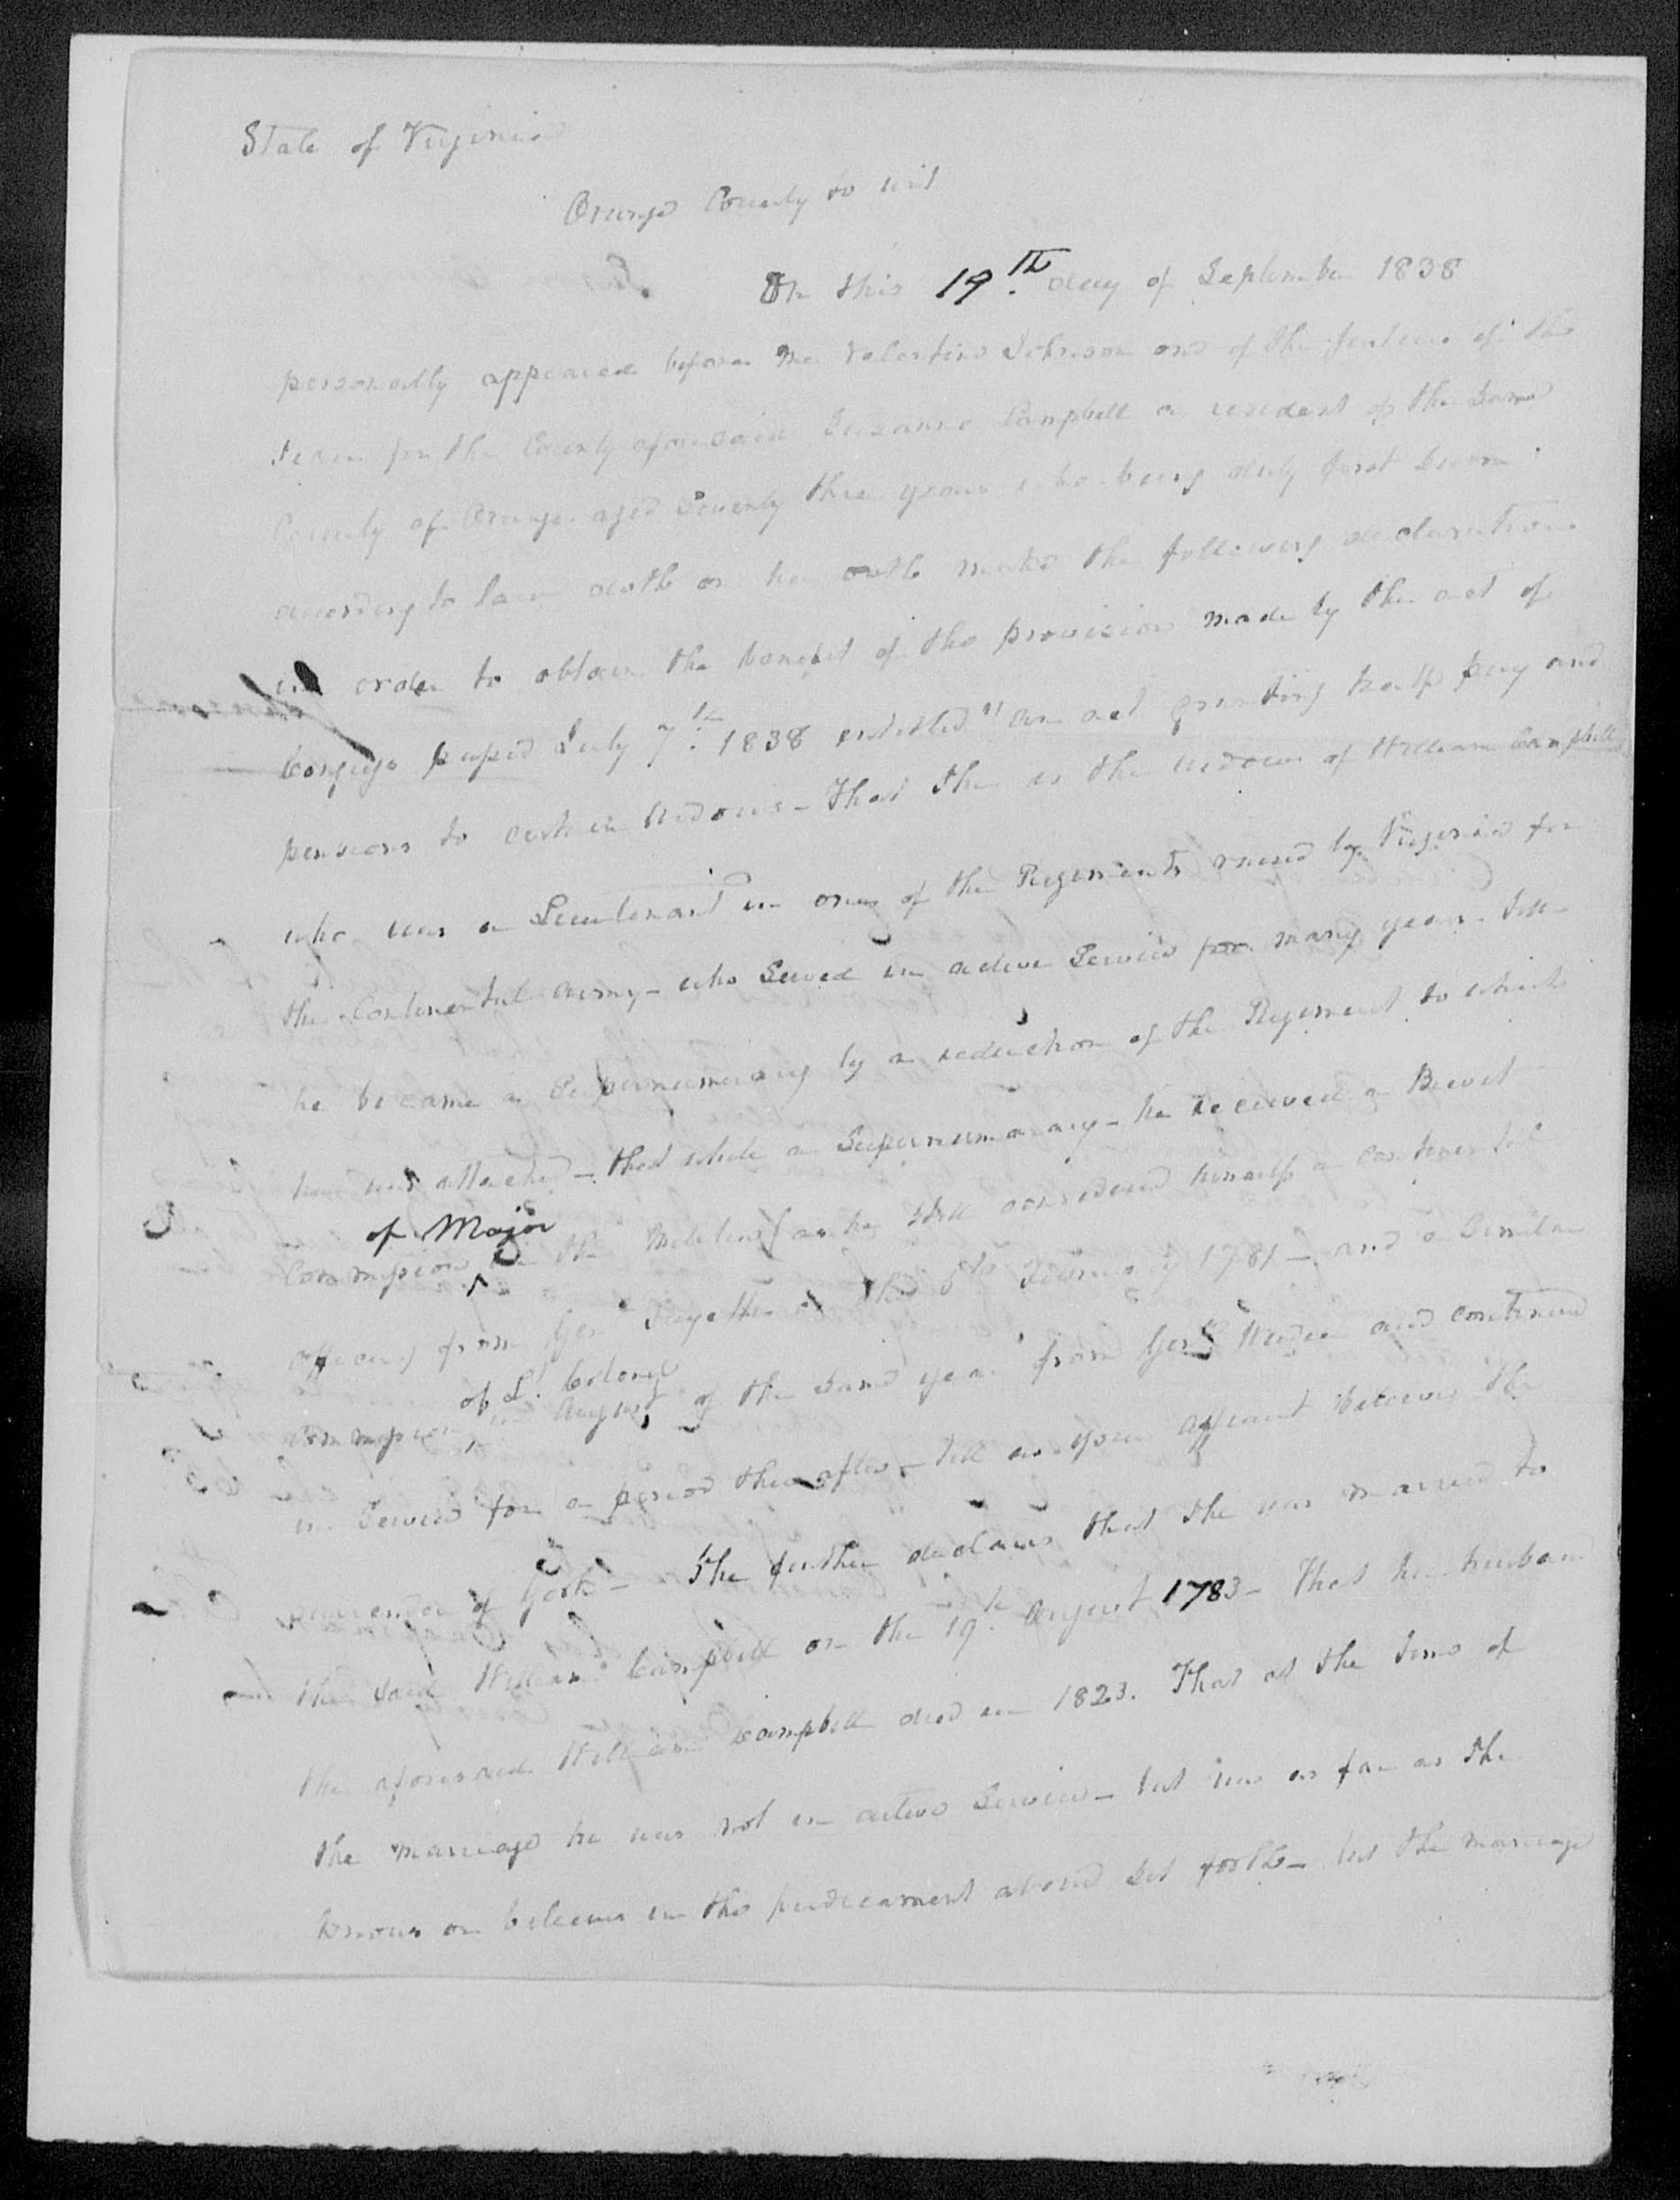State of Virginia
Orange County to wit
On this 19th. day of September 1838 personally appeared before me Valentine Johnson one of the Justices of the Peace for the County aforesaid   Susanna Campbell a resident of the same County of Orange aged seventy three years who being duly first Sworn according to law on her oath made the following declaration in order to obtain the benefit of the provision made by the act of Congress passed July 7th. 1838 entitled " an act prescribing half pay and pensions to certain Widows - That She is the widow of William Campbell who was a Lieutenant in one of the Regiments raised by Virginia for the Continental army - who Served in active Service for many years.  Till he became a supernumerary by a reduction of the Regiment to which he was attached __ then while a Supernumerary _ he received a Brevet Commission [insert] of Major [insert end][illegible word] the Militia as he still considered himself a Continental officially from  Genl Fayette on the 5th February 1781 __ and a similar commission of Lt. Colonel in August of the same year from Genl Weeden and continued in Service for a period thereafter +[and] till as your applicant Believes the surrender of York __ She further declares that she was married to the said William Campbell on the 19th August 1783 __ That her husband the aforesaid William Campbell died in 1823.  That at the Time of the marriage he was not in active Service __  but in as far as She knows or believes in the predicament above set forth __ but the marriage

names: Susanna Campbell, William Campbell, William Campbell, Valentine Johnson, William Campbell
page: 17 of 267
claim: widow's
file: W. 4,149, William Campbell, Va.